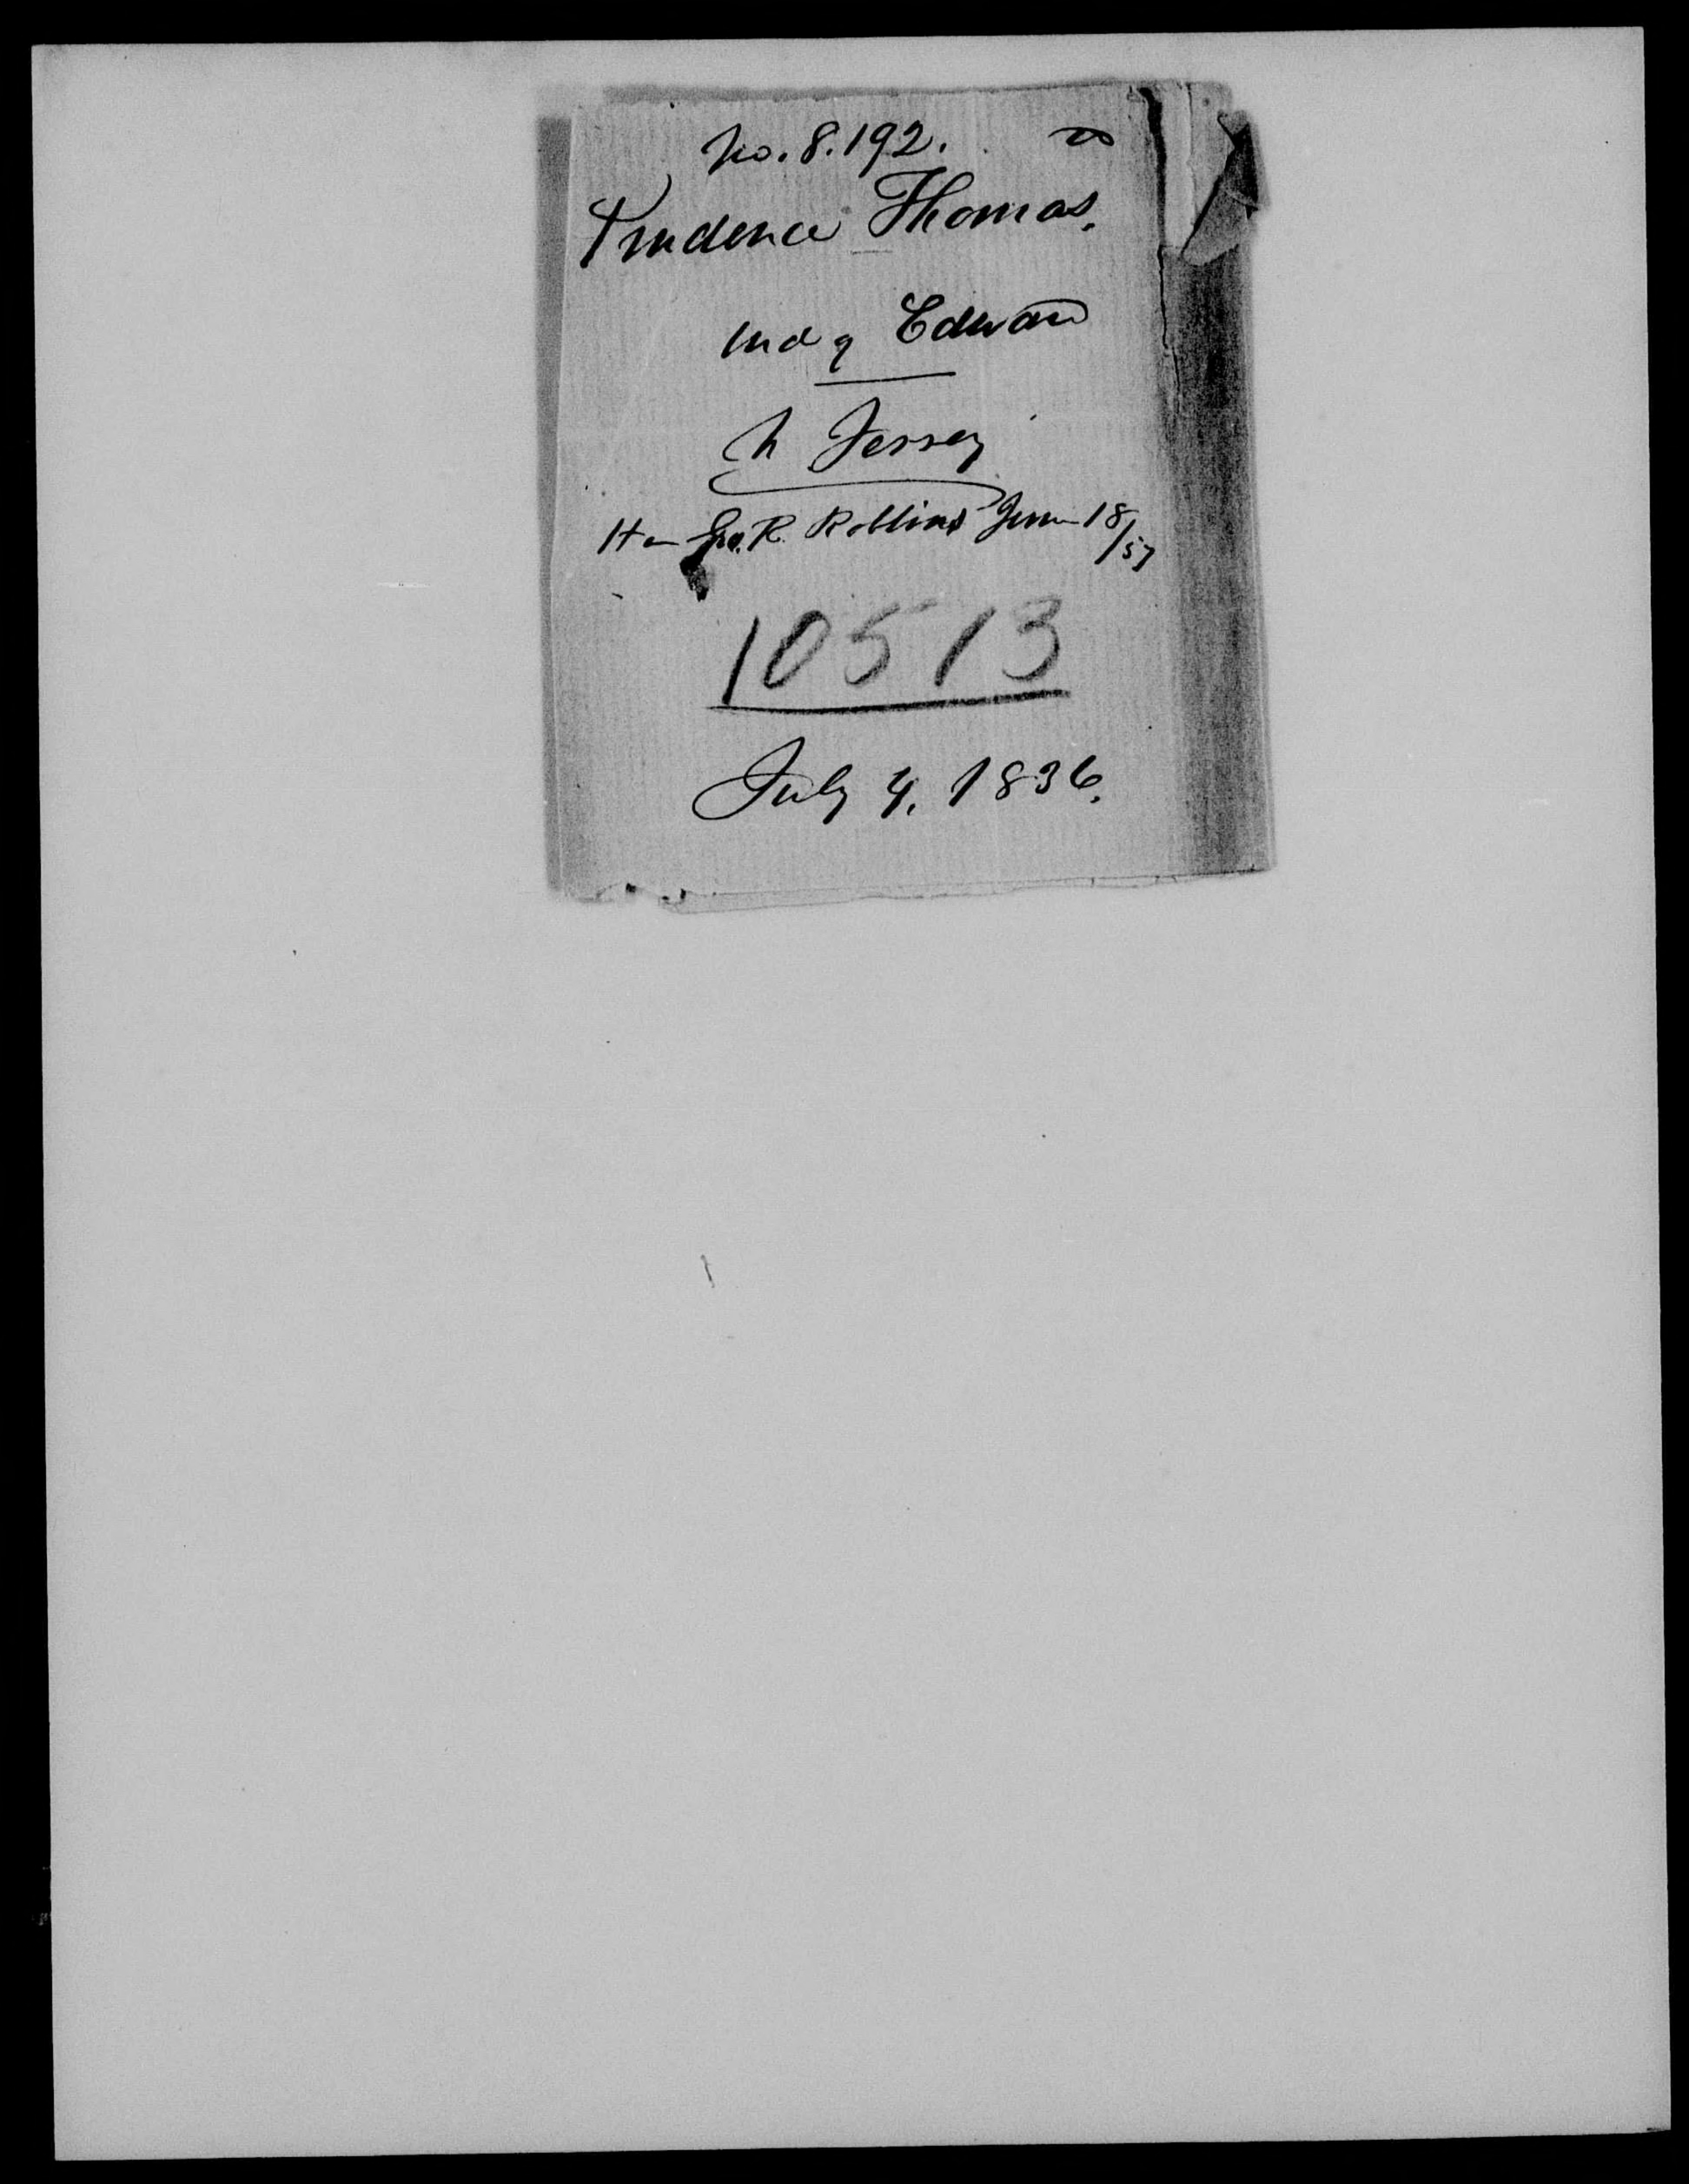No. 8.192
Prudence Thomas
[illegible] Edward
N Jersey
H R Robbins June 18/57
10513
July 4, 1836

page: 12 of 25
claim: rejected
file: R. 10513, for Edward Thomas, New Jersey